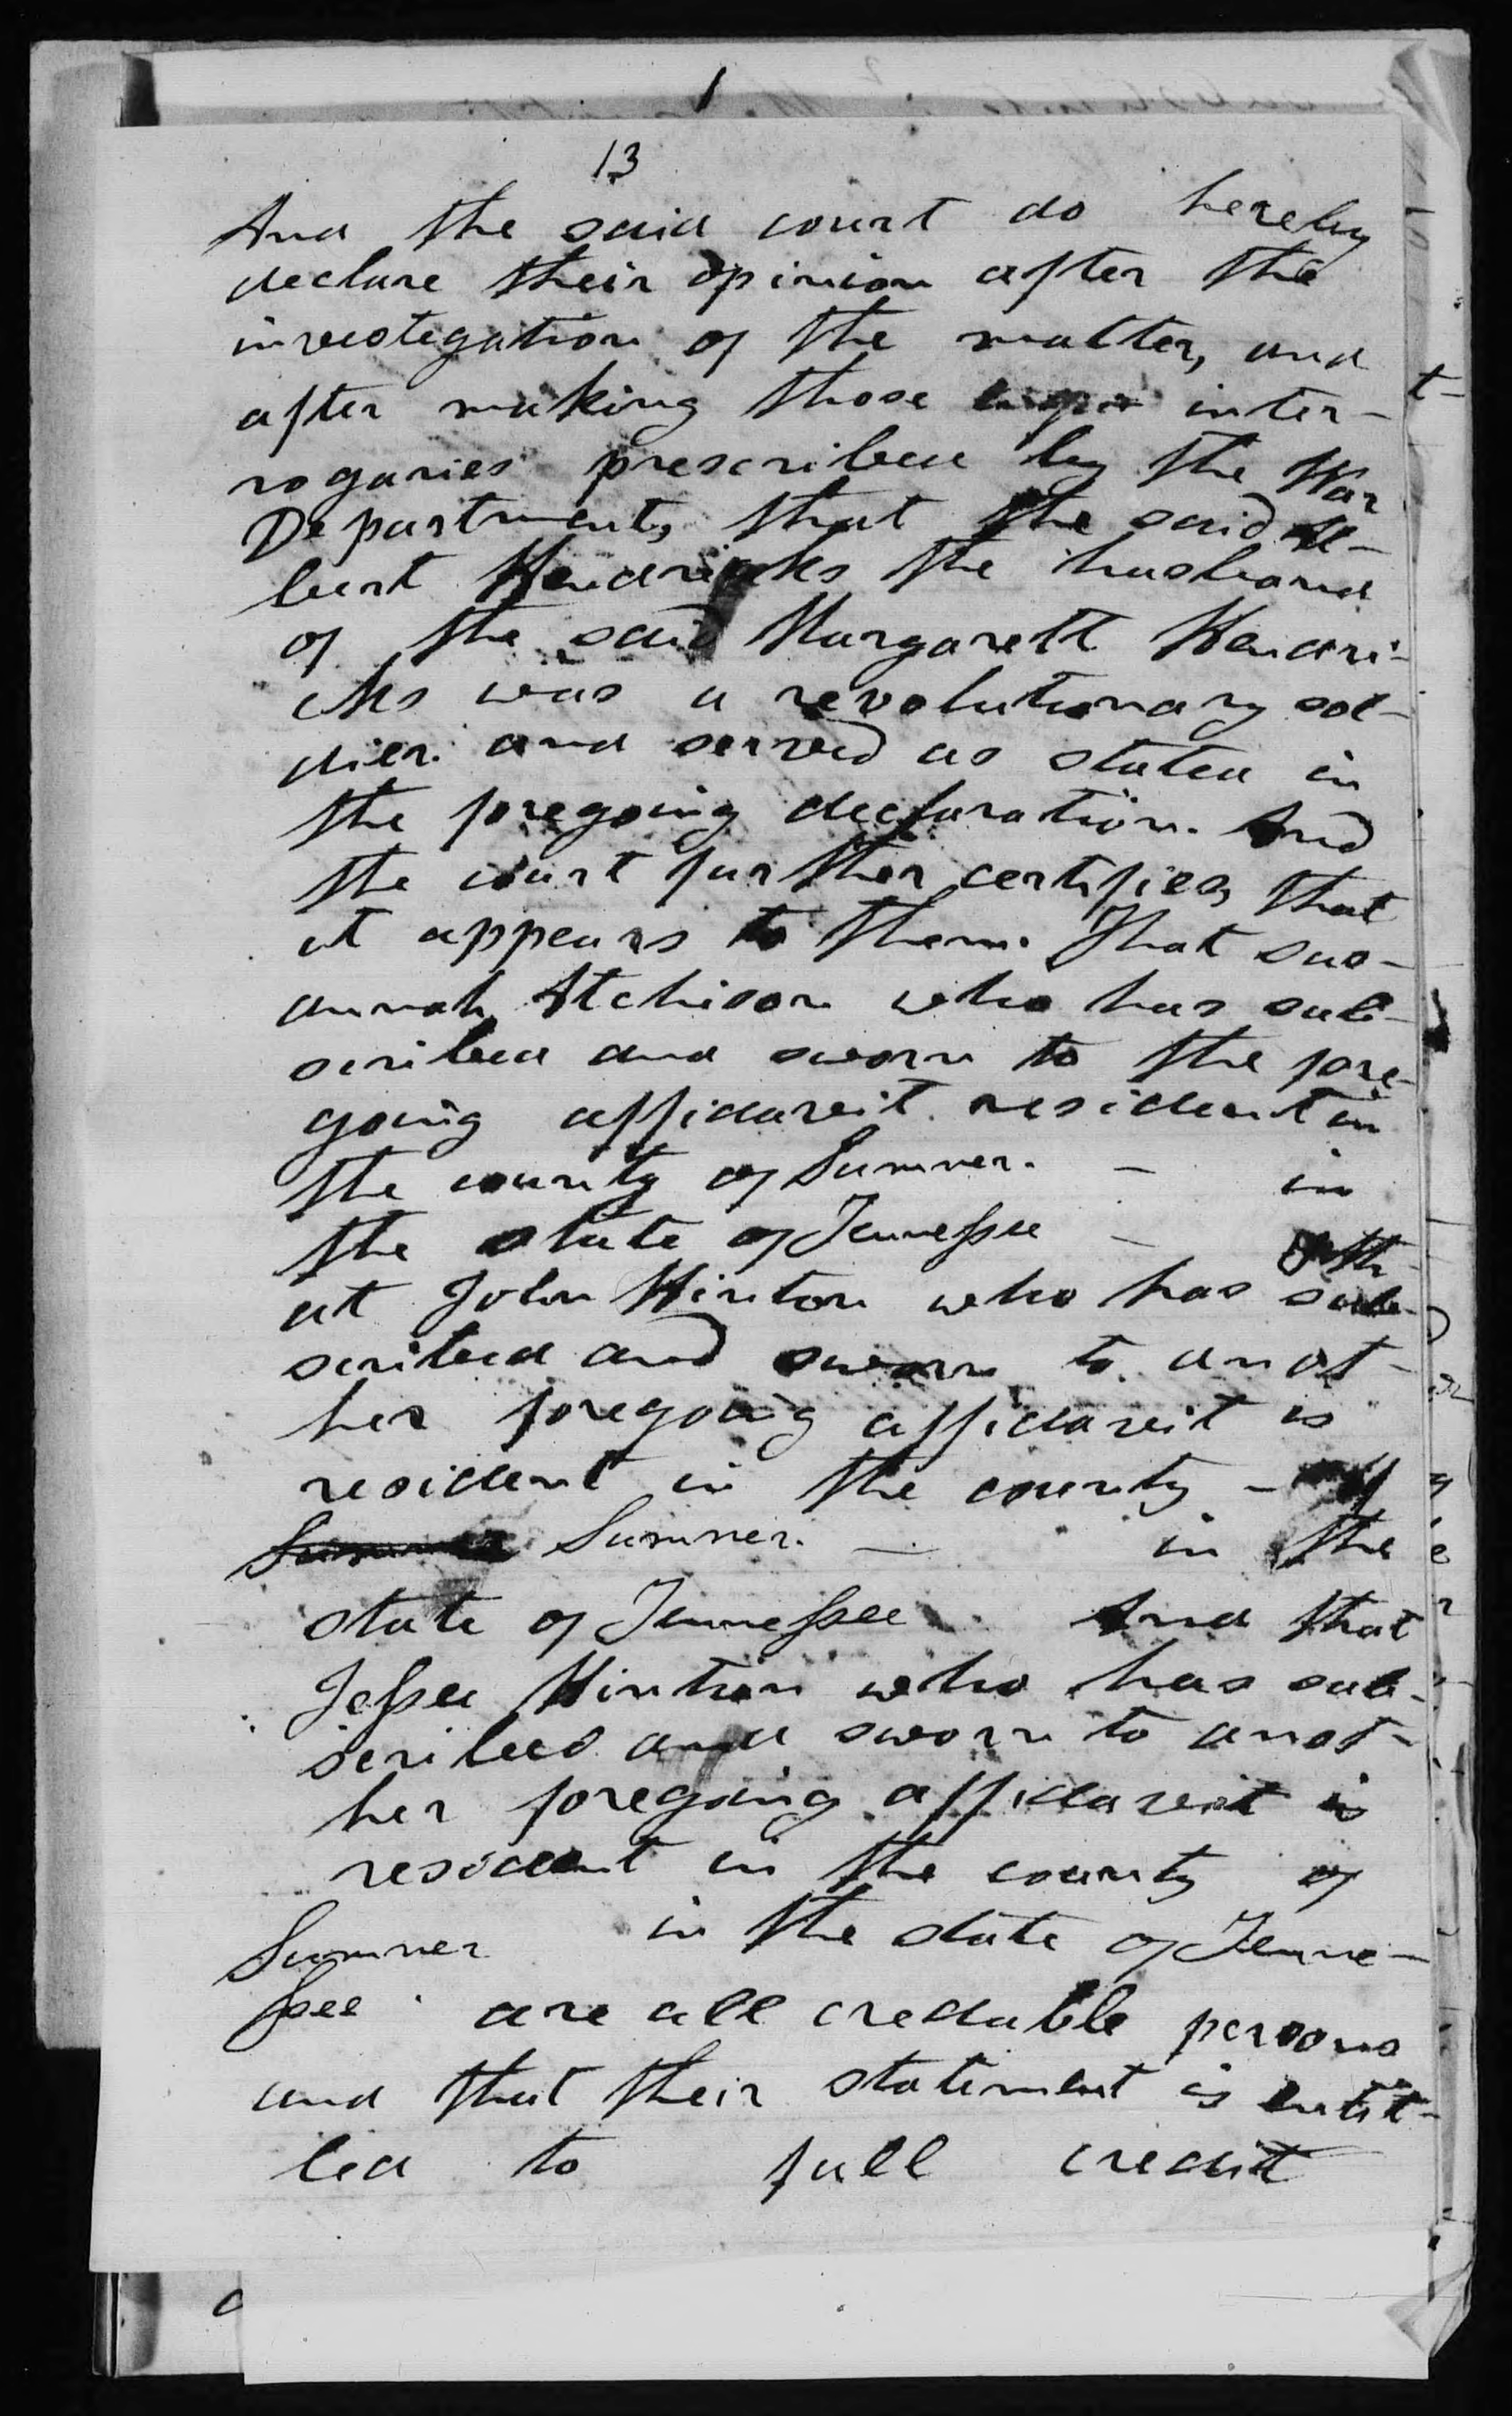13
And the said court do hereby declare their opinion after the investigation of the matter, and after making those interrogatories prescribed by the War Department that the said Albert Hendricks the husband of the said Margarett Hendricks was a revolutionary soldier and served as stated in the foregoing declaration. And the court further certifies that it appears to them. That Susannah Atcheson who has subscribed and sworn to the foregoing affidavit resident in the county of Summer in the State of Tennessee - and John Hinton who has subscribed and sworn to another foregoing affidavit is resident in the county of Summer in the state of Tennessee. And that Jessee Hinton who has subscribed and sworn to another foregoing affidavit is resident in the county of Summer in the state of Tennessee are all credable persons and that their statement is entitled to full credit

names: John Hinton, Hendricks, Margarett Hendricks, Susannah Atchison, Jesse Hinton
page: 35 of 76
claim: widow's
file: W. 83, Albert Hendricks, Continental Md. N.C.